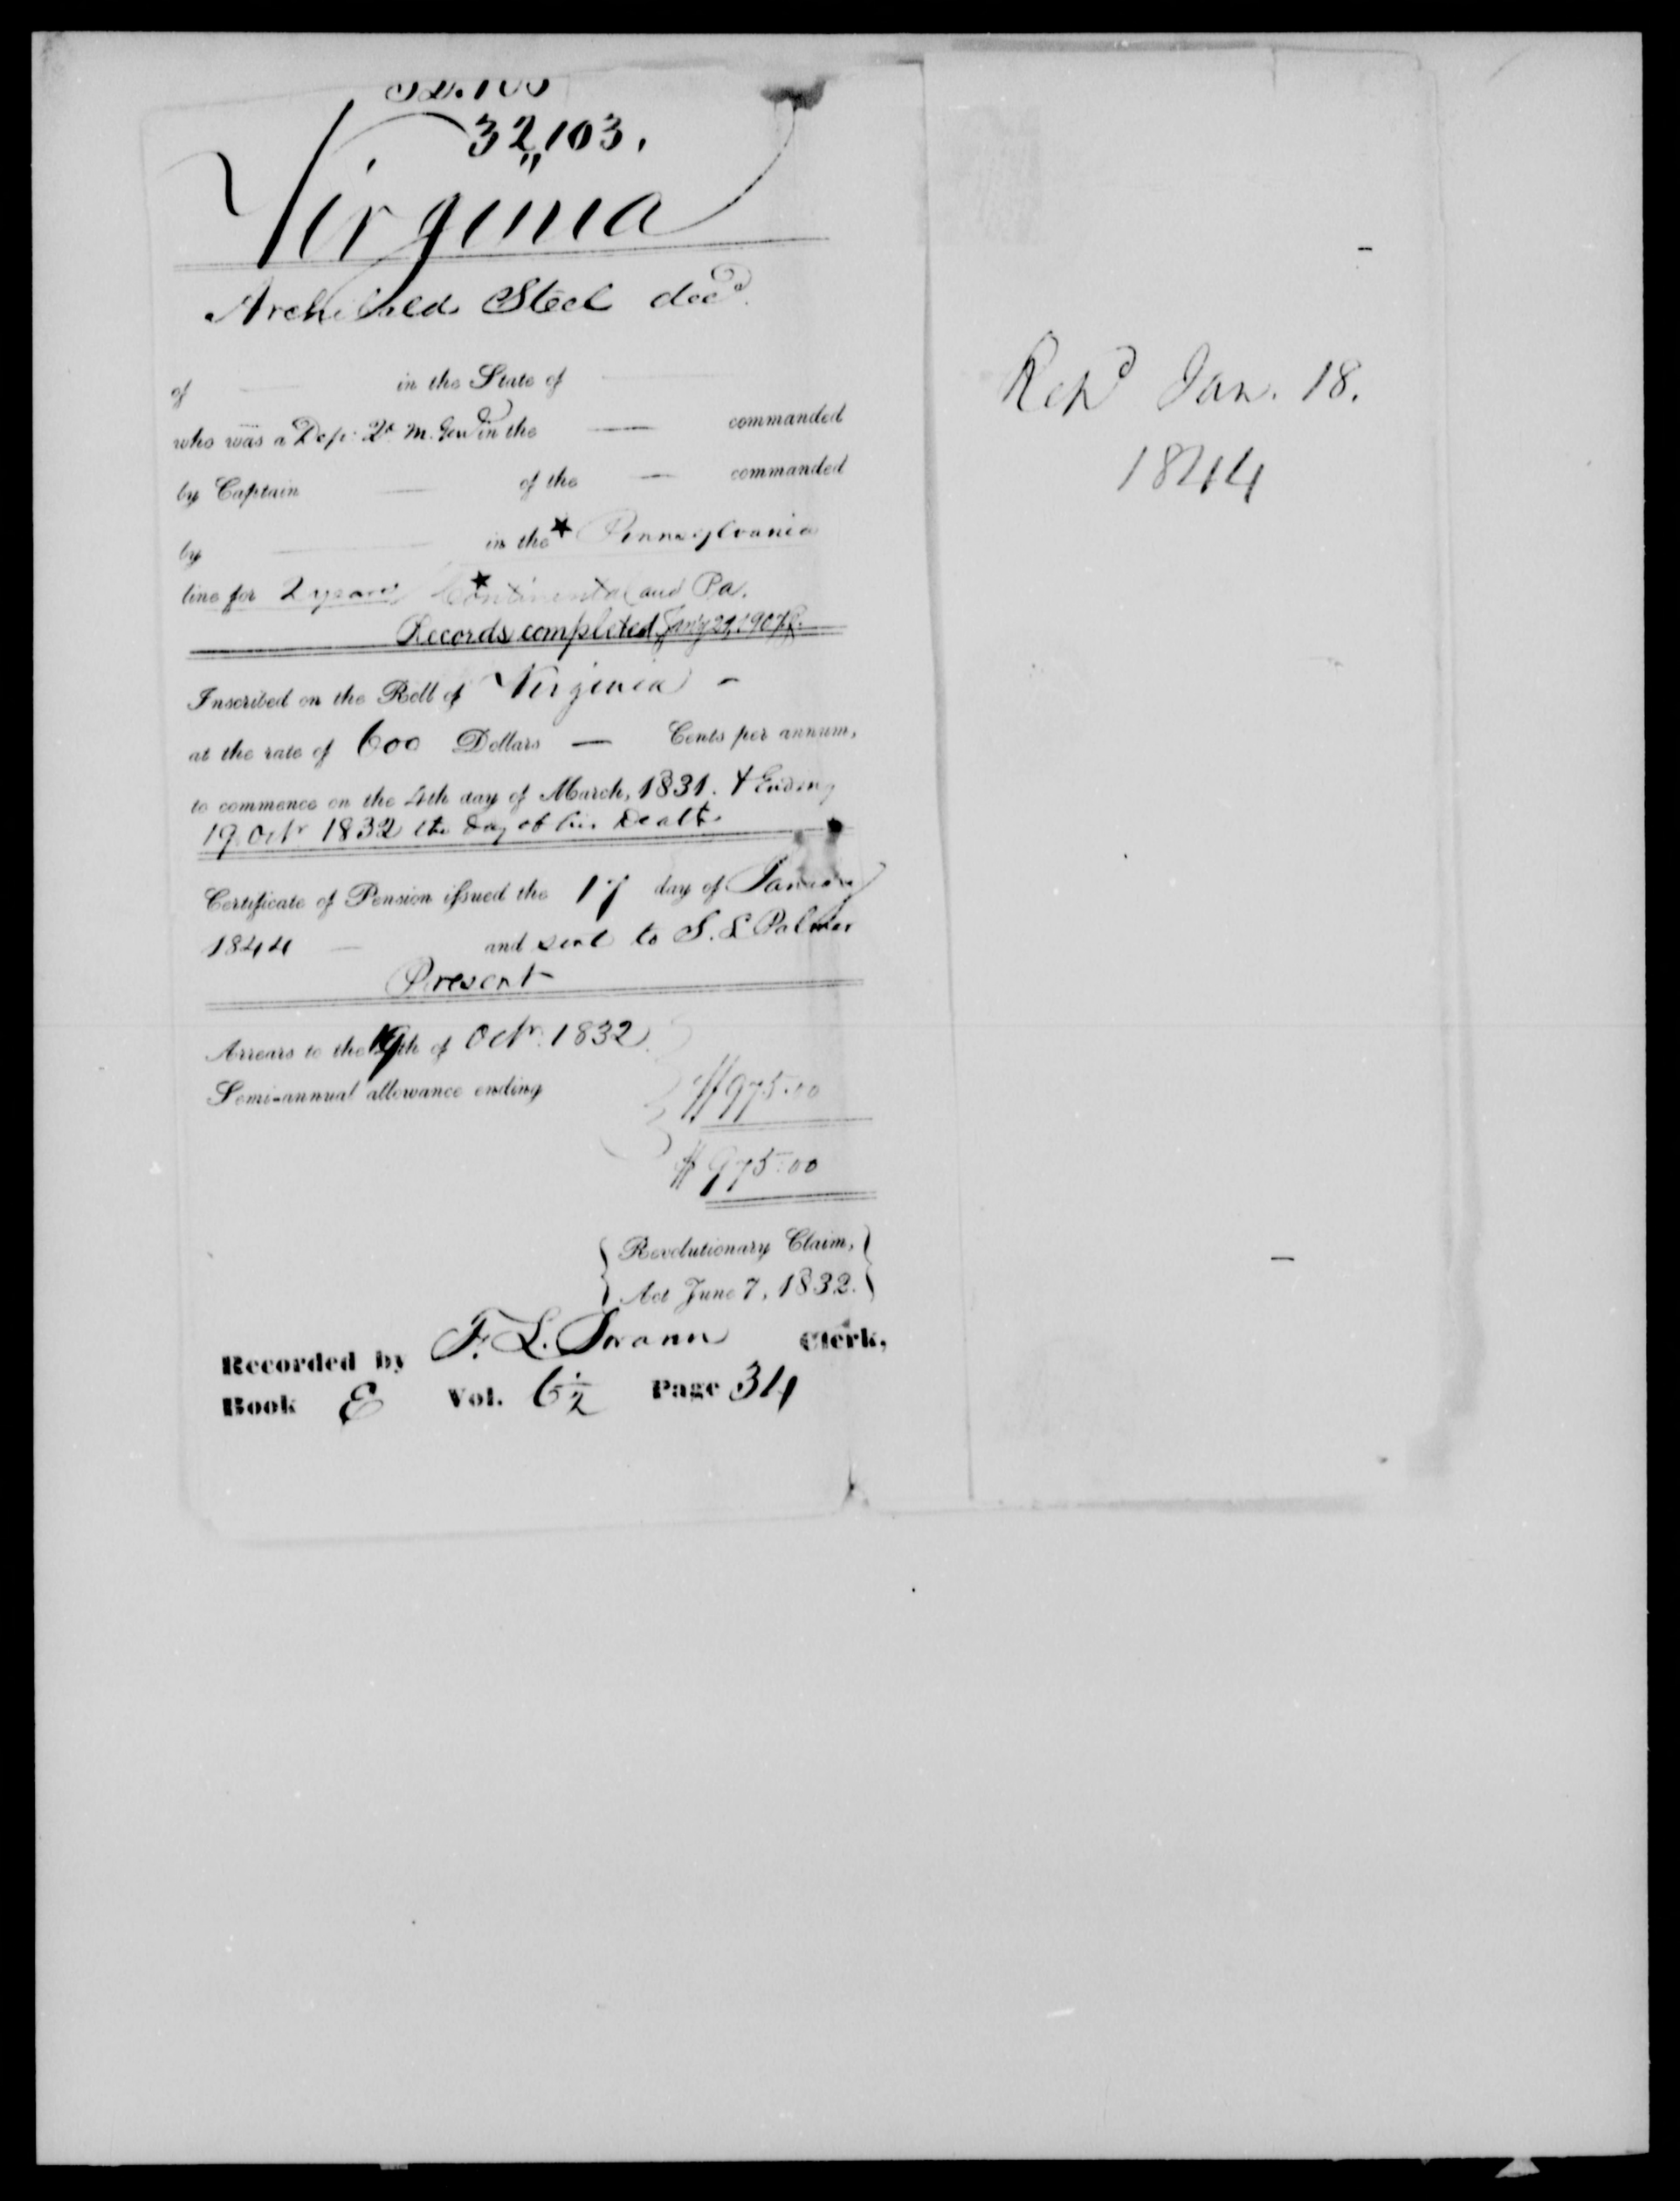32103

Virginia
Archibald Steel, dec

of ___ in the State of ____ who was a Dep 2nd M Gen in the ____ commanded by Captain ____ of the -___ commanded by ____ in the Pennsylvania Line for 2 years, Continental, and PA

Records completed January 24, 1907

Inscribed on the Roll of Virginia at the rate of 600 Dollars, no cents per annum, to commence on the 4th day of March 1831 and ending Oct 19, 1832, the day of his death.

Certificate of pension issued the 17th day of January 1844 and sent to S L Palmer

Present

Arrears to the 19th of Oct 1832, semi-annual allowance ending ....
$975.00

Revolutionary Claim Act June 7, 1832

Recorded by F L Swann, Clerk.
Book 3, Volume 6 1/2, page 34

Reported Jan 18, 1844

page: 2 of 28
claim: survivor's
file: S. 7601, for Archibald Steel, Pennsylvania